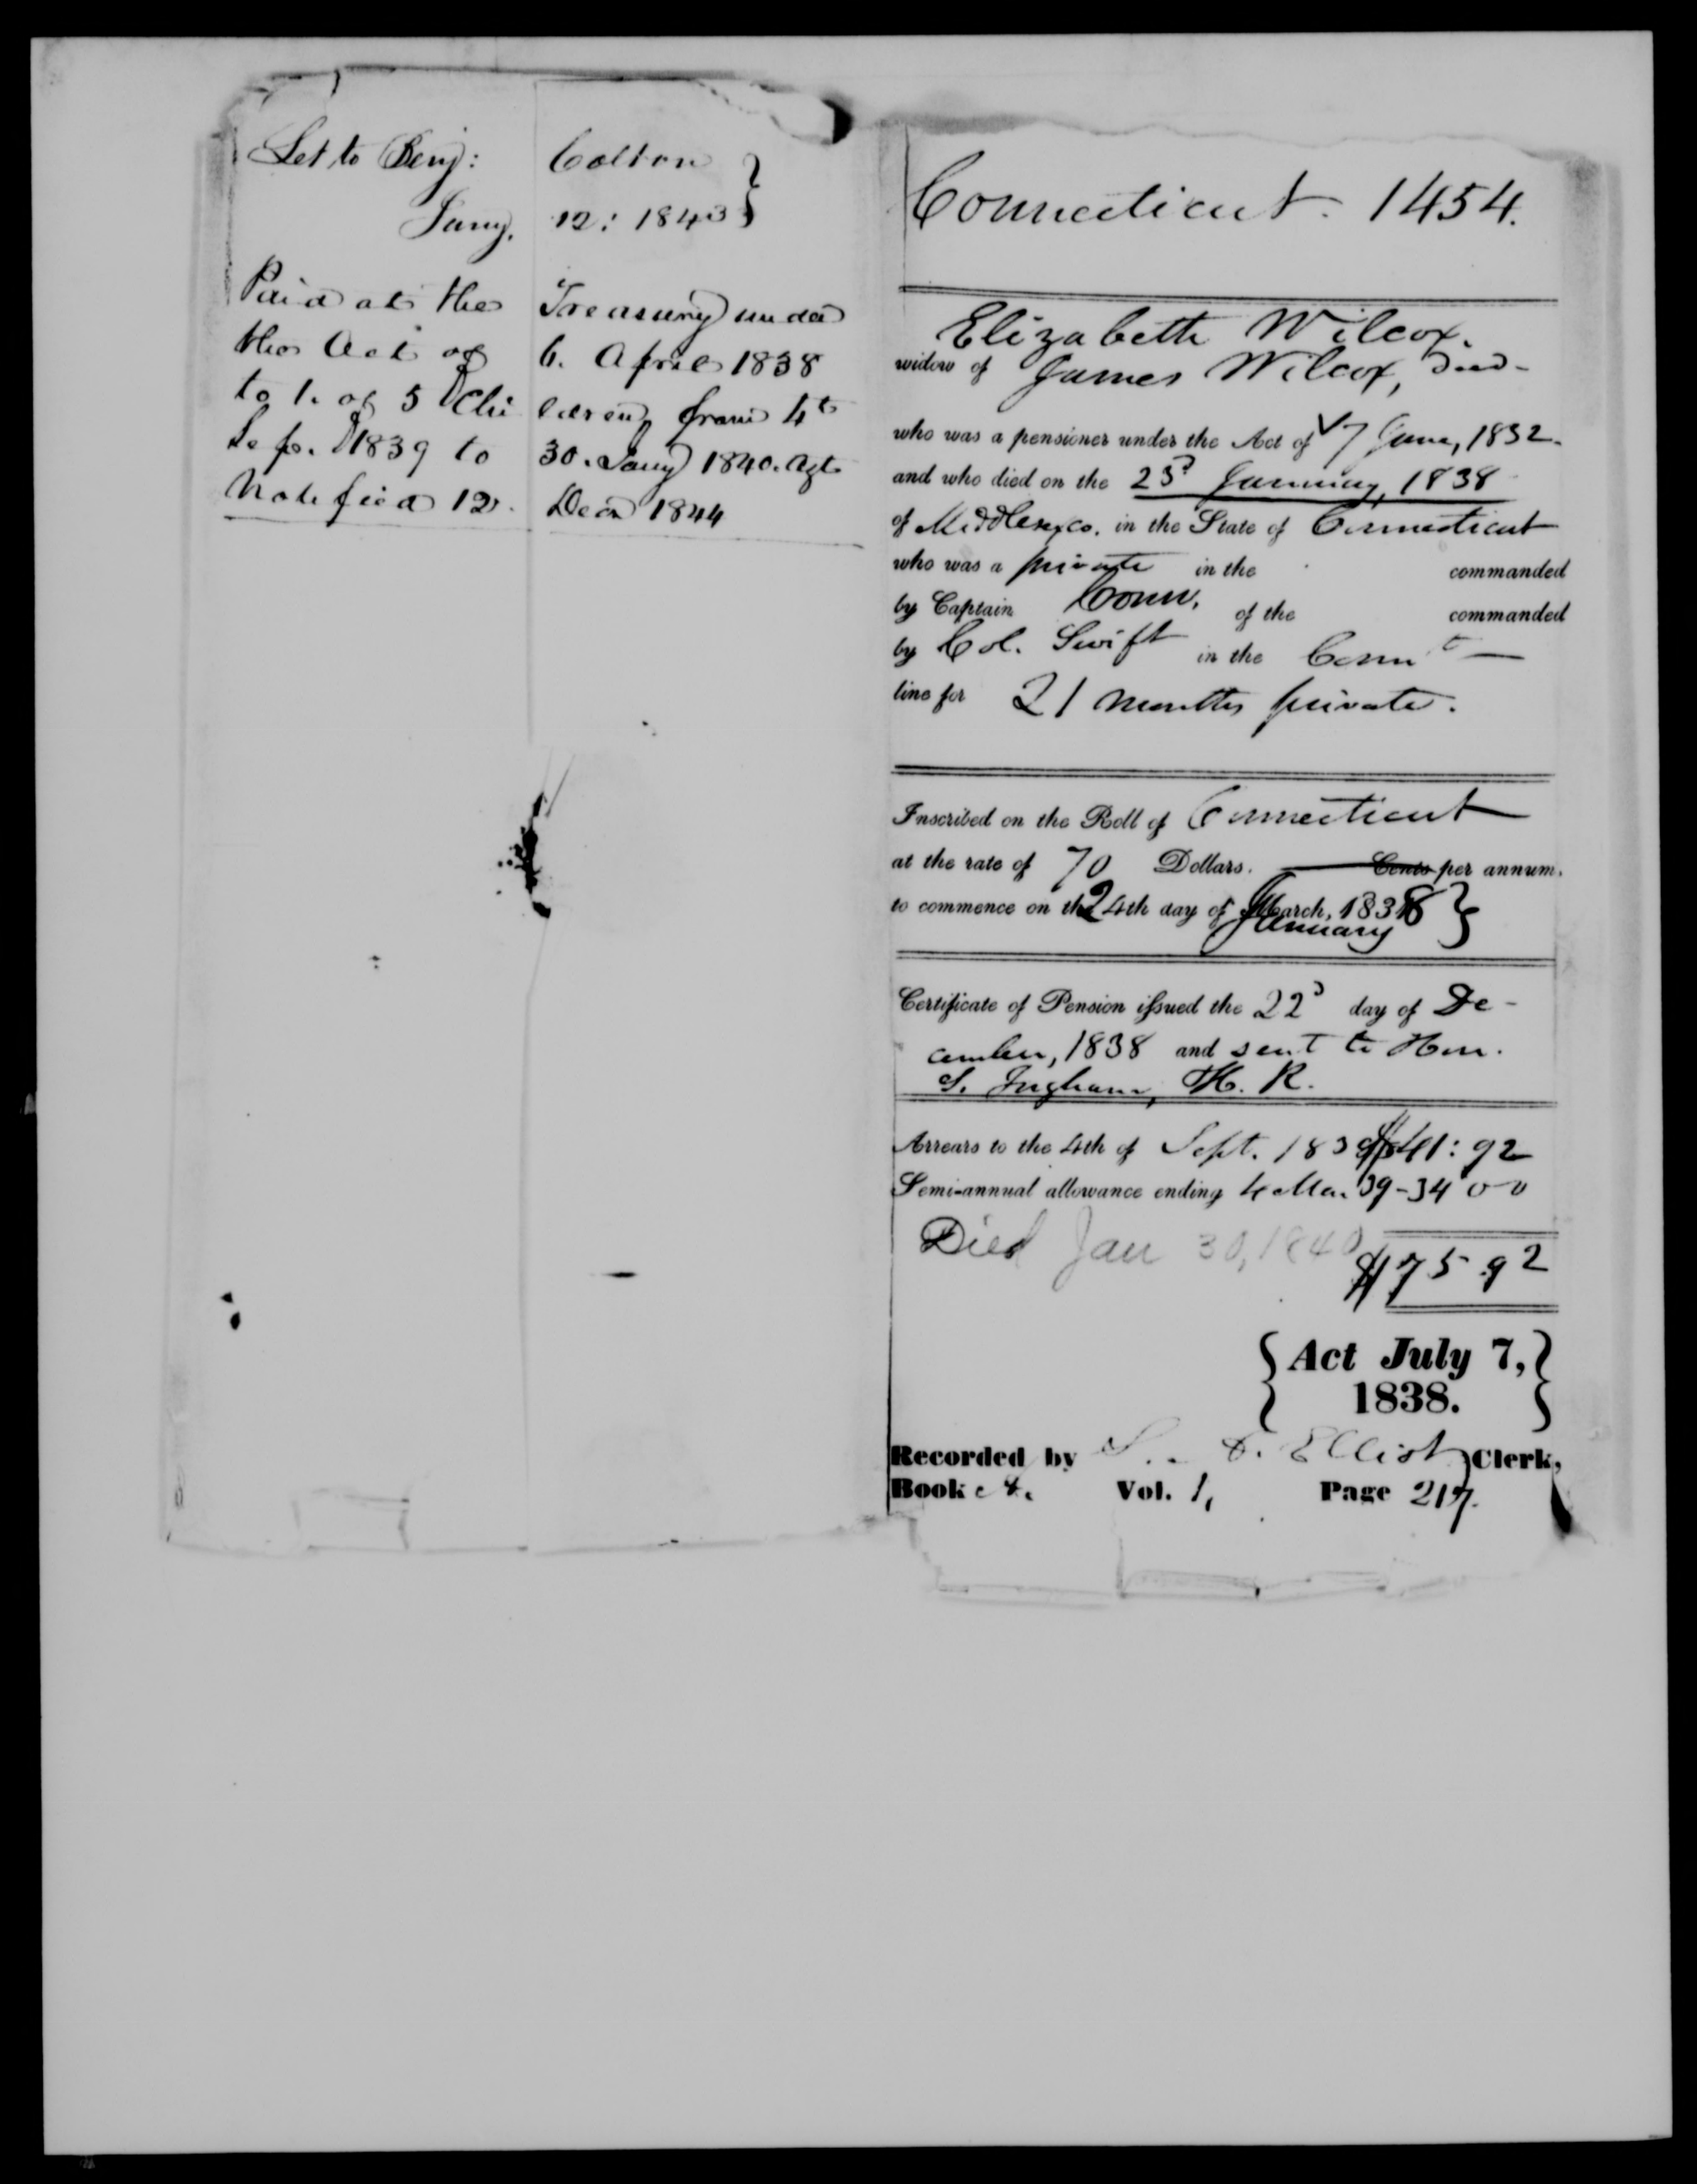Let to Benj: Colton
Jany 12:1843
Paid at the Treasury under
The Act of 6 April 1838
To be of 5 children from 4th Sep 1839 to 30 Jany 1840. Agt modified 12 Decm 1844
Connecticut 1454.
Elizabeth Wilcox widow of James Wilcox, decd-who was a pensioner under the Act of 7 June, 1832 and who died on the 23d January, 1838 of Middlesex Co. in the State of Connecticut who was a private in the ______ commanded by Captain Conn, of the _____ commanded by Col Swift in the Connt line for 21 months private.
Inscribed on the Roll of Connecticut at the rate of 70 Dollars —-Cents per annum to commence on the 24th day of January 1838
Certificate of Pension issued the 22d day of December, 1838 and sent to Hon S. Ingham, H.R.
Arrears to the 4th of Sept. 1838 $41:92
Semi-annual allowance ending 4 Mar 39- 34.00
Died Jan 30, 1840 $75.92
Act July 7, 1838.
Recorded by S F Elliot
Book A. Vol. 4. Page 217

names: S A Elliot, James Wilcox, S Ingham, Swift, Elizabeth Wilcox, Benj Cotton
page: 2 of 46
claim: widow's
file: W. 18,417, James Willcox, Conn.